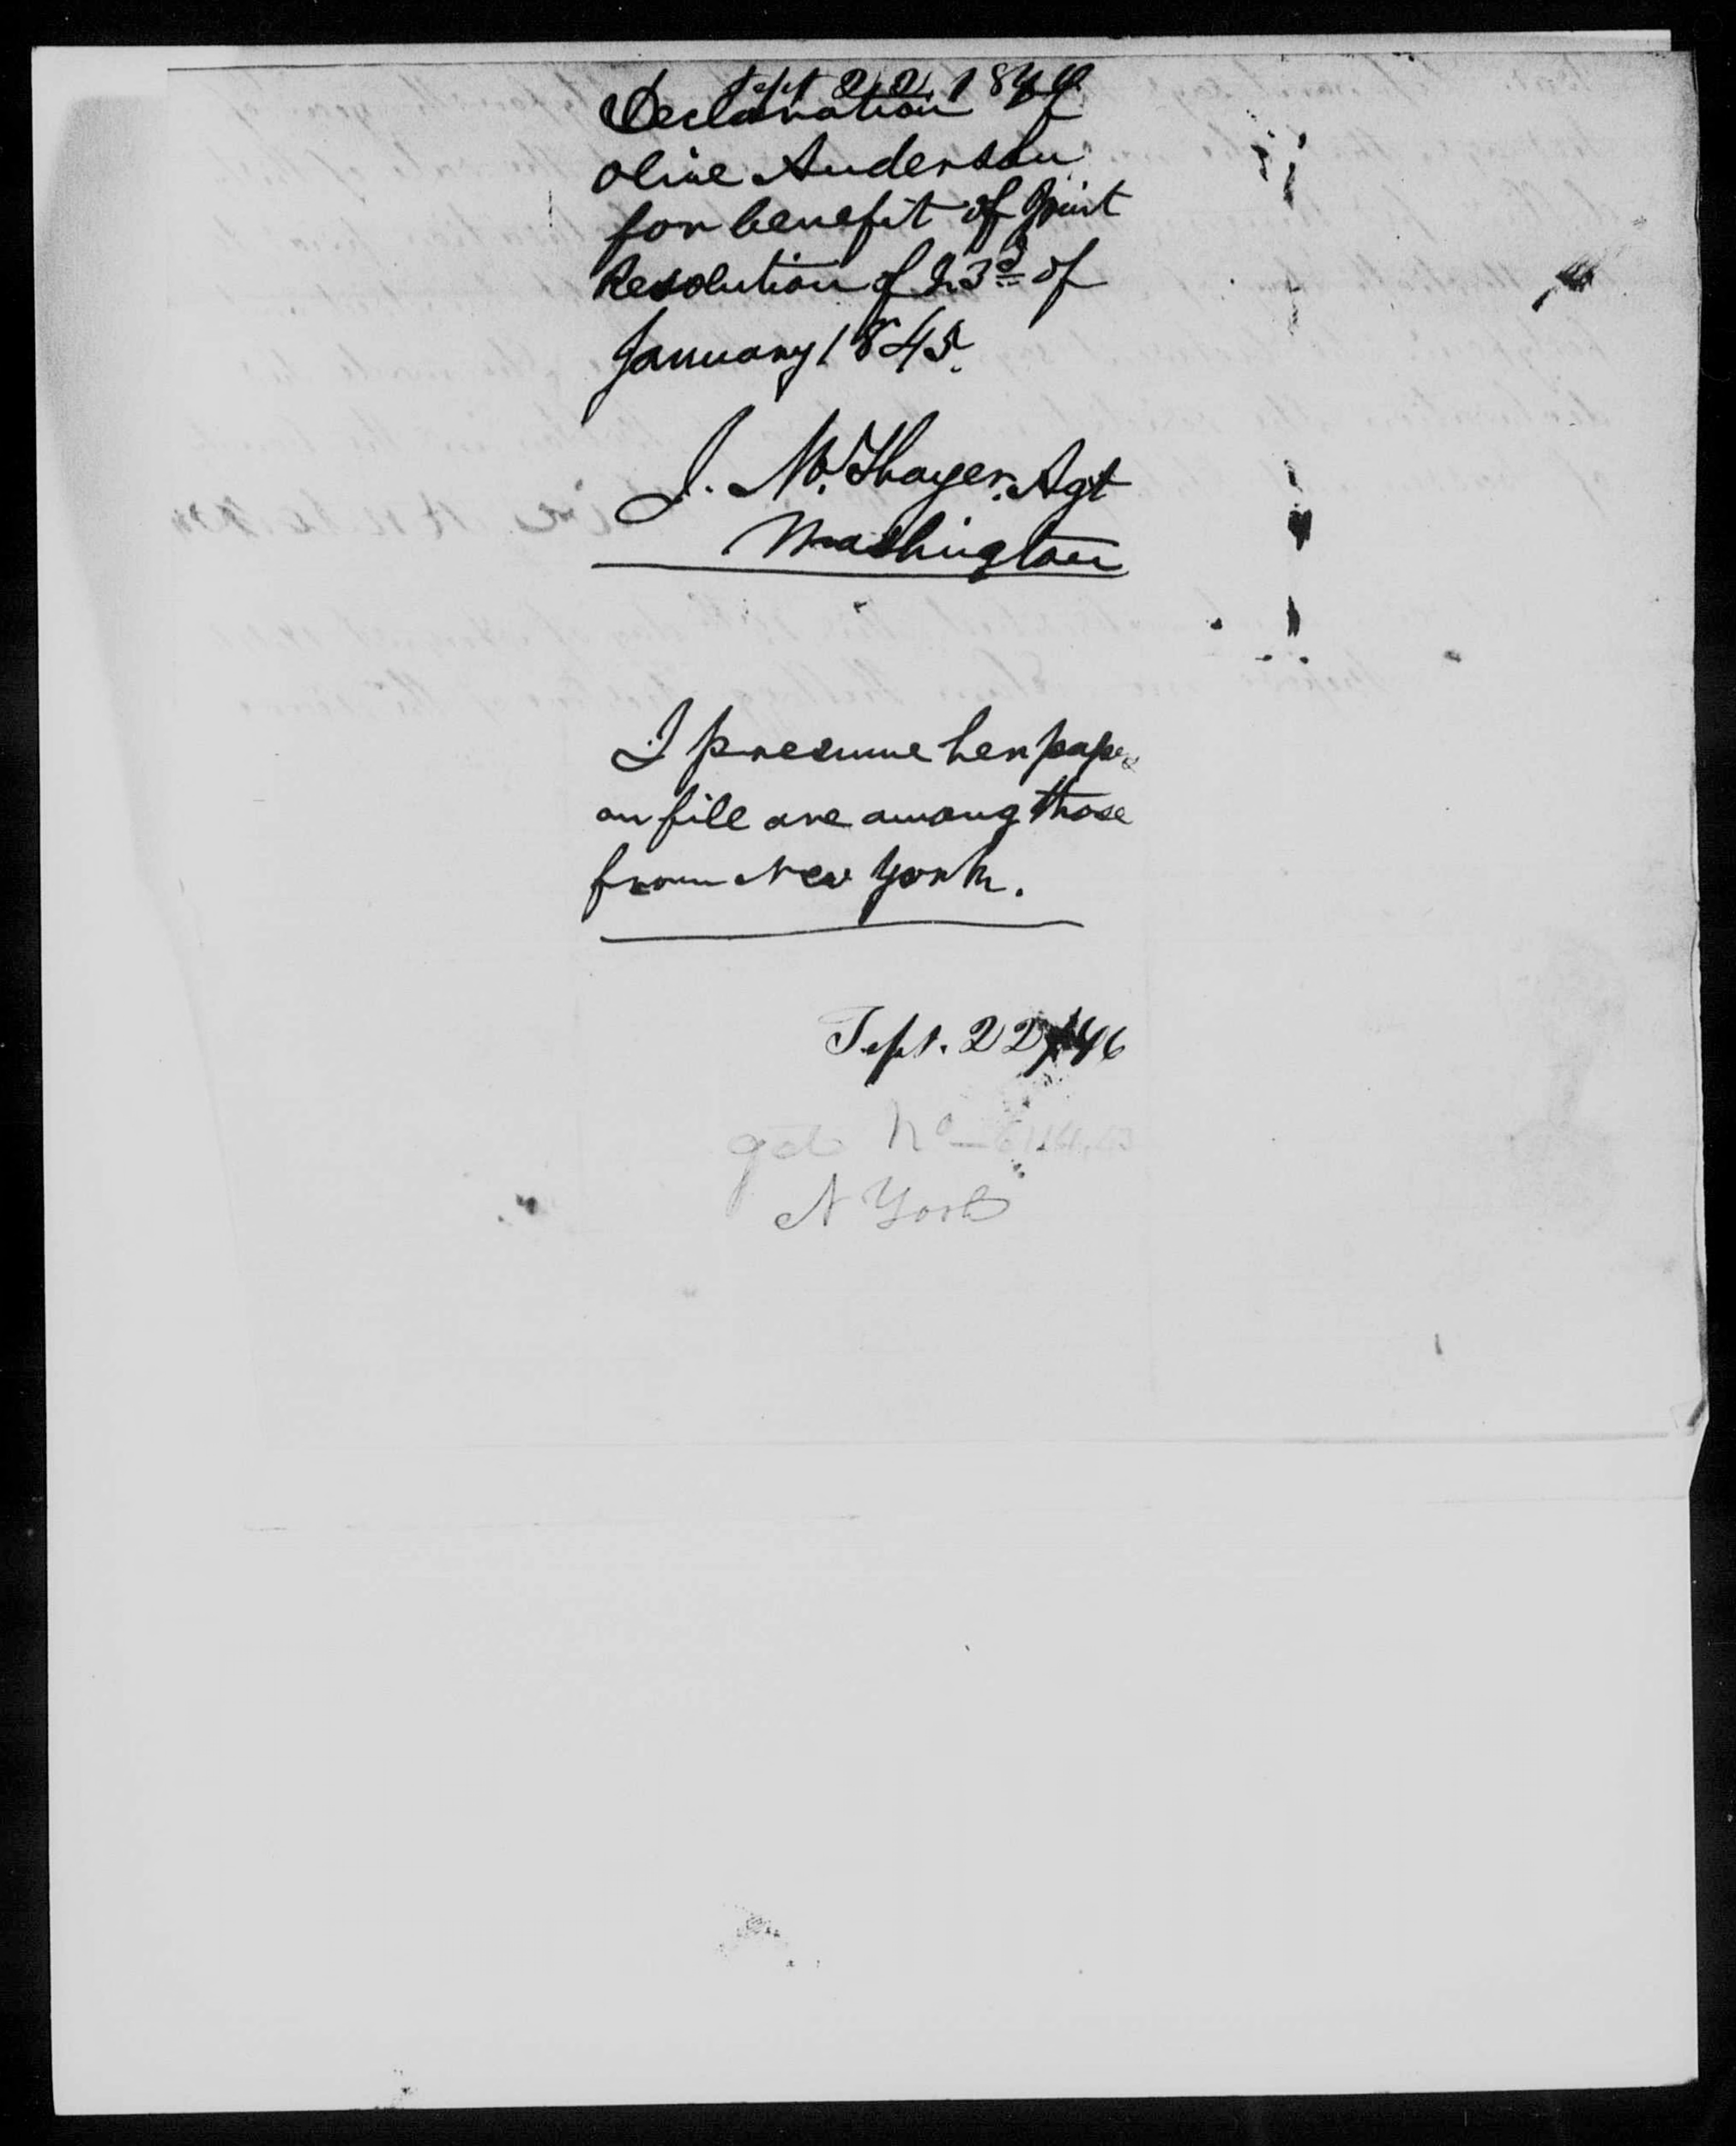Sept 20 1844
Declaration of
Olive Anderson
for benefit of Joint
Revolution of 23d of
January 1845.

J. M. Thayer Agt
Washington
I presume her papers
on file are among those
from New York.
Sept. 22 /46
got No 611443
N York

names: J M Thayer, Olive Anderson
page: 30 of 39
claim: widow's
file: W. 20624, David Anderson, Mass